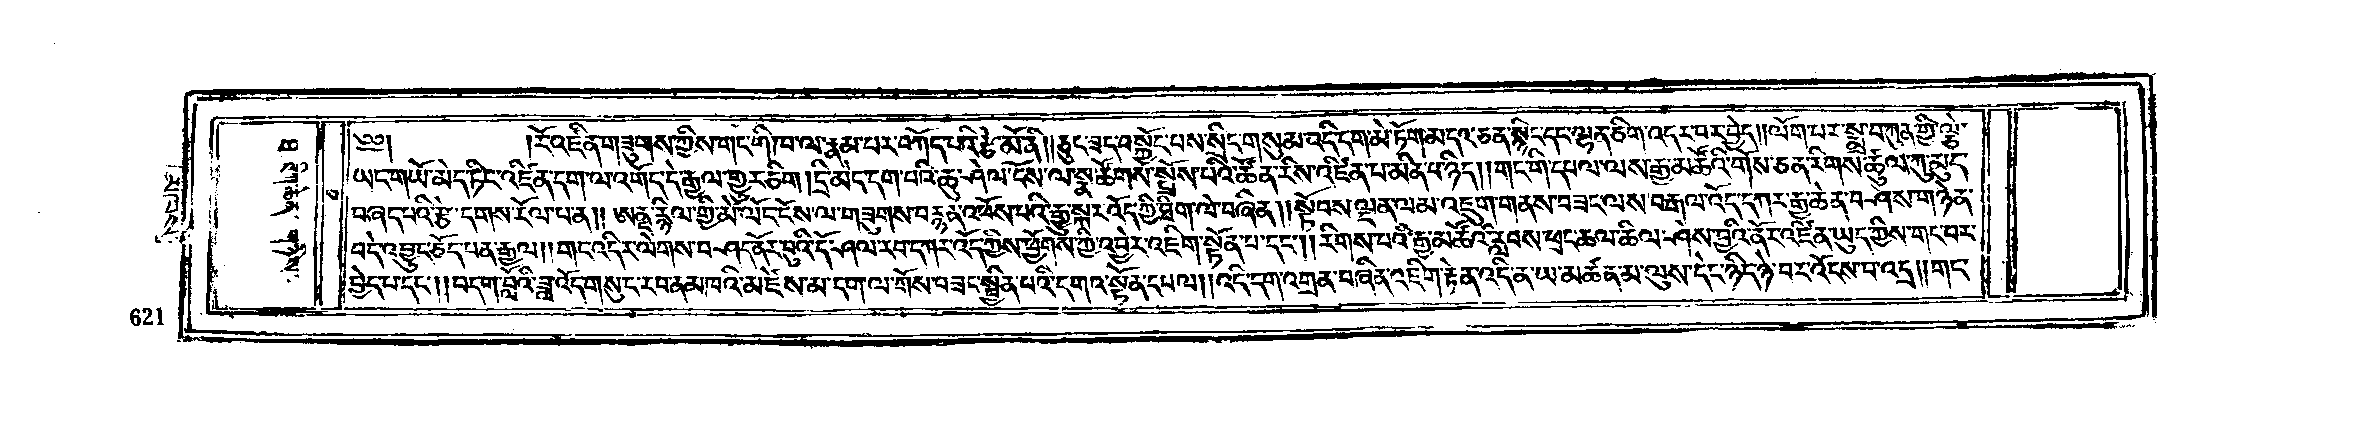༄༅། །རོ་འཛིན་གཟུགས་ཀྱིས་གང་གི་ཁ་ལ་རྣམ་པར་བཀོད་པའི་རྩེ་མོ་ནི། །ཅུང་ཟད་བསྐྱོང་བས་སྲིད་གསུམ་འདི་དག་མེ་ཏོག་མདའ་ཅན་སྙིང་དང་ལྷན་ཅིག་འདར་བར་བྱེད། །ལོག་པར་སྨྲ་བ་ཀུན་གྱི་ལྕེ་
ཡང་གཡོ་མེད་ཏིང་འཛིན་དག་ལ་འགོད་དེ་རྒྱལ་གྱུར་ཅིག། དྲི་མེད་དག་པའི་ཆུ་ཤེལ་ངོས་ལ་སྣ་ཚོགས་སྤྲོས་པའི་ཚོན་རིས་འཛིན་པ་མིན་པ་ཉིད། །གང་གི་དཔལ་ལས་རྒྱ་མཚོའི་གོས་ཅན་རིགས་ཚུལ་ཀུ་མུད་
བཞད་པའི་རྩེ་དགས་རོལ་པ་ན། །ཨནྡ་རྙིལ་གྱི་མེ་ལོང་ངོས་ལ་གཟུགས་བརྙན་འཕོས་པའི་རྒྱུ་སྐར་འོད་ཀྱི་ཐིག་ལེ་བཞིན། །སྟོབས་ལྡན་ལམ་འཇུག་གནས་བཟང་ལས་བརྒལ་འོད་དཀར་རྒྱ་ཆེན་བཤེས་གཉེན་
བདེ་འབྱུང་ཅོད་པན་རྒྱལ། །གང་འདིར་ལེགས་བཤད་ནོར་བུའི་དོ་ཤལ་རབ་དཀར་འོད་ཀྱིས་ཕྱོགས་ཀྱི་འབྱེར་འཇིག་སྟོན་པ་དང་། །རིགས་པའི་རྒྱ་མཚོའི་རླབས་ཕྲང་ཆལ་ཆིལ་ཤེས་བྱའི་ནོར་འཛིན་ཡུད་ཀྱིས་གང་བར་
བྱེད་པ་དང་། །བདག་བློའི་ཟླ་འོད་གསུང་རབ་ནམ་མཁའི་མཛེས་མ་དག་ལ་གོས་བཟང་སྦྱིན་པའི་དགའ་སྟོན་དཔལ། །འདི་དག་འགྲན་བཞིན་འཇིག་རྟེན་འདི་ན་ཡ་མཚན་མ་ལུས་དེང་ཉིད་ཉེ་བར་འོངས་པ་འདྲ། །གང་